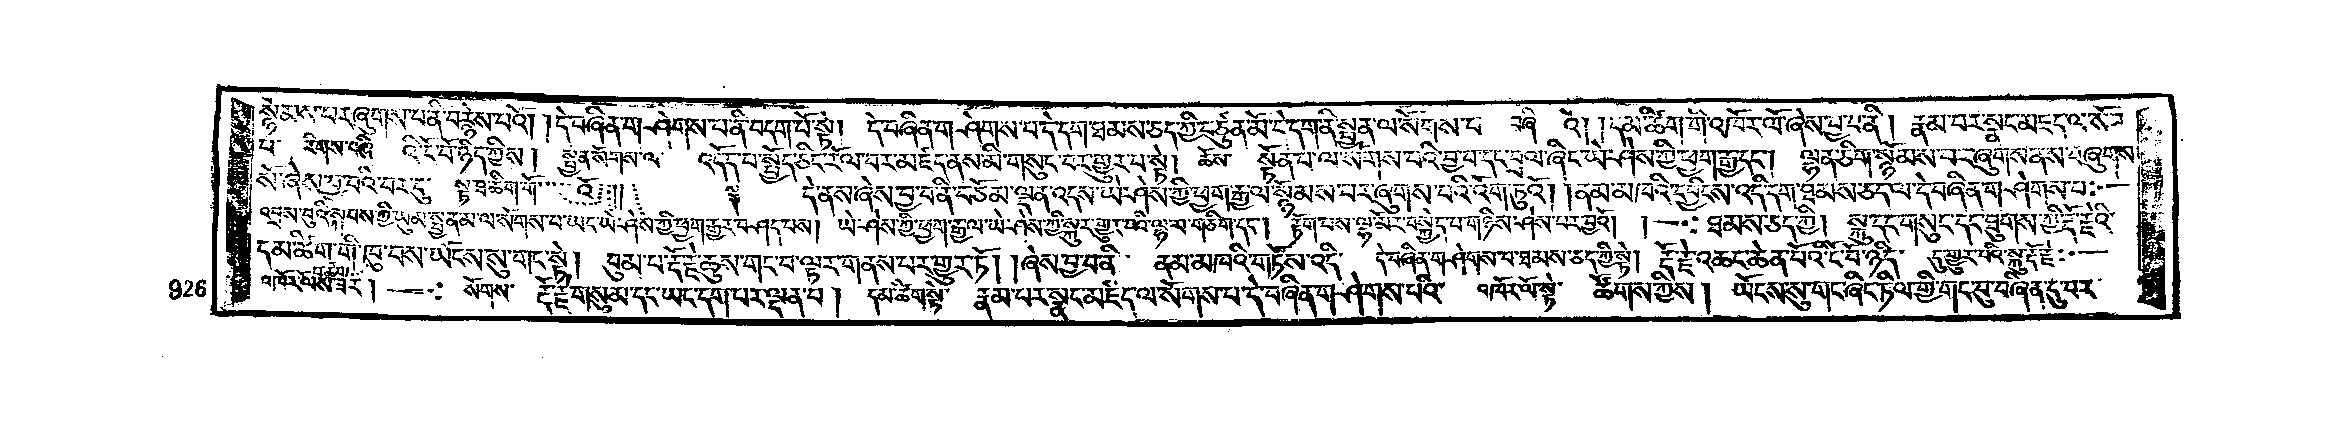སྙོམས་པར་ཞུགས་པ་ནི་བརྙེས་པའོ། །དེ་བཞིན་གཤེགས་པ་ནི་བདག་པོ་སྟེ། དེ་བཞིན་གཤེགས་པ་དེ་དག་ཐམས་ཅད་ཀྱི་བཙུན་མོ་དེ་དག་ནི་སྤྱན་ལ་སོགས་པ་བཞི་འོ། །དམ་ཚིག་གི་འཁོར་ལོ་ཞེས་བྱ་བ་ནི། རྣམ་པར་སྣང་མཛད་ལ་སོགས་
པ་རིགས་བཞིའི་ངོ་བོ་ཉིད་ཀྱིས། སྤྱན་སོགས་ལ་འདོད་པ་སྤྱོད་ཅིང་རོལ་བར་མཛད་ནས་མི་གསུང་བར་གྱུར་པ་སྟེ། ཆོས་སྟོན་པ་ལ་སོགས་པའི་བྱ་བ་དང་བྲལ་ཞིང་ཡེ་ཤེས་ཀྱི་ཕྱག་རྒྱ་དང་། ལྷན་ཅིག་སྙོམས་པར་ཞུགས་ནས་བཞུགས་
སོ་ཞེས་བྱ་བའི་བར་དུ་སྟེ་ཐ་ཚིག་གོ་འོ།། ༈ དེ་ནས་ཞེས་བྱ་བ་ནི་བཅོམ་ལྡན་འདས་ཡེ་ཤེས་ཀྱི་ཕྱག་རྒྱ་ལ་སྙོམས་པར་ཞུགས་པའི་འོག་ཏུའོ། །ནམ་མཁའི་དབྱིངས་འདི་དག་ཐམས་ཅད་ལ་དེ་བཞིན་གཤེགས་པཿ
འབྲས་བུའི་སྐབས་ཀྱི་ཡུམ་སྤྱན་མ་ལ་སོགས་པ་ཡང་ཡེ་ཤེས་ཀྱི་ཕྱག་རྒྱར་བཤད་པས། ཡེ་ཤེས་ཀྱི་ཕྱག་རྒྱ་ལ་ཡེ་ཤེས་ཀྱི་སྐུར་གྱུར་པའི་ལྷ་མ་གཅིག་དང་། རྟོག་པས་ལྷ་མོར་བསྐྱེད་པ་གཉིས་ཤེས་པར་བྱའོ། །  .Hཐམས་ཅད་ཀྱི། སྐུ་དང་གསུང་དང་ཐུགས་ཀྱི་རྡོ་རྗེའི་
དམ་ཚིག་གི་ཁུ་བས་ཡོངས་སུ་གང་སྟེ། བུམ་པ་རྡོ་རྗེ་ཆུས་གང་བ་ལྟར་གནས་པར་གྱུར་ཏོ། །ཞེས་བྱ་བ་ནི་ནམ་མཁའི་གཏོས་འདི་དེ་བཞིན་གཤེགས་པ་ཐམས་ཅད་ཀྱི་སྟེ།  རྡོ་རྗེ་འཆང་ཆེན་པོའི་ངོ་བོ་ཉིད་དུ་གྱུར་པའི་སྐུ་རྡོ་རྗེཿ
འཁོར་ལོས་པ་ཚབ་ཟེར། .Hསོགས་རྡོ་རྗེ་གསུམ་དང་ཡང་དག་པར་ལྡན་པ། དམ་ཚིག་སྟེ་རྣམ་པར་སྣང་མཛད་ལ་སོགས་པ་དེ་བཞིན་གཤེགས་པའི་འཁོར་ལོ་སྟེ་ཚོགས་ཀྱིས། ཡོངས་སུ་གང་ཞིང་ཏིལ་གྱི་གང་བུ་བཞིན་དུ་བར་